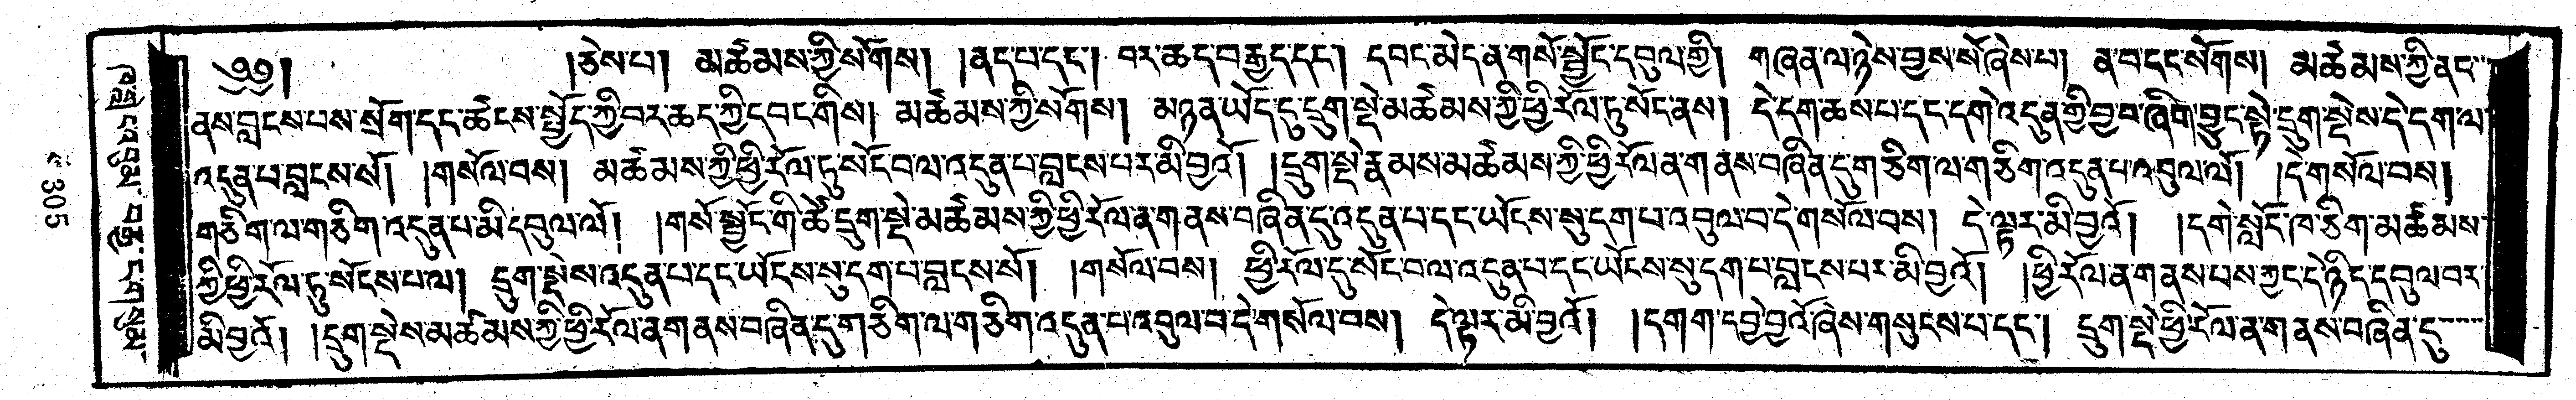༄༅། །ཅེས་པ། མཚམས་ཀྱི་སོགས། །ནད་པ་དང་། བར་ཆད་བརྒྱད་དང་། དབང་མེད་ན་གསོ་སྦྱོང་དབུལ་གྱི། གཞན་ལ་ཉེས་བྱས་སོ་ཞེས་པ། ན་བ་ངང་སོགས། མཚམས་ཀྱི་ནང་
ནས་བླངས་པས་སྲོག་དང་ཚངས་སྤྱོད་ཀྱི་བར་ཆད་ཀྱི་དབང་གིས། མཚམས་ཀྱི་སོགས། མཉན་ཡོད་དུ་དྲུག་སྡེ་མཚམས་ཀྱི་ཕྱི་རོལ་ཏུ་སོང་ནས། དེ་དག་ཆས་པ་དང་དགེ་འདུན་གྱི་བྱ་བ་ཞིག་བྱུང་སྟེ་དྲུག་སྡེས་དེ་དག་ལ་
འདུན་པ་བླངས་སོ། །གསོལ་བས། མཚམས་ཀྱི་ཕྱི་རོལ་ཏུ་སོང་བ་ལ་འདུན་པ་བླངས་པར་མི་བྱའོ། །དྲུག་སྡེ་རྣམས་མཚམས་ཀྱི་ཕྱི་རོལ་ན་གནས་བཞིན་དུ་གཅིག་ལ་གཅིག་འདུན་པ་འབུལ་ལོ། །དེ་གསོལ་བས།
གཅིག་ལ་གཅིག་འདུན་པ་མི་དབུལ་ལོ། །གསོ་སྦྱོང་གི་ཚེ་དྲུག་སྡེ་མཚམས་ཀྱི་ཕྱི་རོལ་ན་གནས་བཞིན་དུ་འདུན་པ་དང་ཡོངས་སུ་དག་པ་འབུལ་བ་དེ་གསོལ་བས། དེ་ལྟར་མི་བྱའོ། །དགེ་སློང་ཁ་ཅིག་མཚམས་
ཀྱི་ཕྱི་རོལ་ཏུ་སོངས་པ་ལ། དྲུག་སྡེས་འདུན་པ་དང་ཡོངས་སུ་དག་པ་བླངས་སོ། །གསོལ་བས། ཕྱི་རོལ་དུ་སོང་བ་ལ་འདུན་པ་དང་ཡོངས་སུ་དག་པ་བླངས་པར་མི་བྱའོ། །ཕྱི་རོལ་ན་གནས་པས་ཀྱང་དེ་ཉིད་དབུལ་བར་
མི་བྱའོ། །དྲུག་སྡེས་མཚམས་ཀྱི་ཕྱི་རོལ་ན་གནས་བཞིན་དུ་གཅིག་ལ་གཅིག་འདུན་པ་འབུལ་བ་དེ་གསོལ་བས། དེ་ལྟར་མི་བྱའོ། །དགག་དབྱེ་བྱའོ་ཞེས་གསུངས་པ་དང་། དྲུག་སྡེ་ཕྱི་རོལ་ན་གནས་བཞིན་དུ་